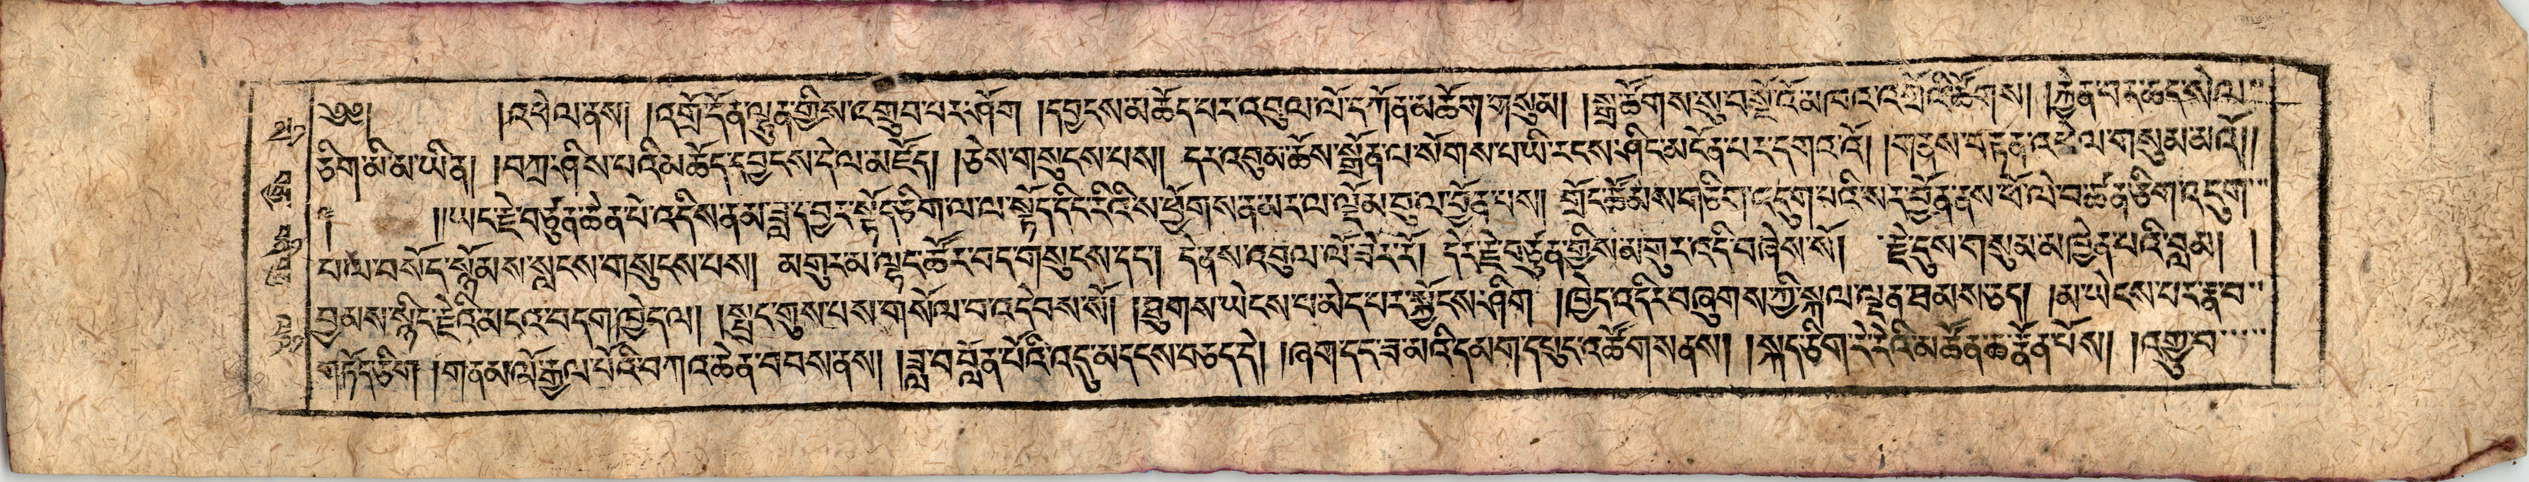འཕེལ་ནས། །འགྲོ་དོན་ལྷུན་གྱིས་འགྲུབ་པར་ཤོག །དབྱངས་མཆོད་པར་འབུལ་ལོ་དཀོན་མཆོག་གསུམ། །སྒྲ་ཚོགས་སུ་བསྔོ་འོ་མཁའ་འགྲོའི་ཚོགས། །རྐྱེན་བར་ཆད་སེལ་
ཅིག་མི་མ་ཡིན། །བཀྲ་ཤིས་པའི་མཆོད་དབྱངས་དེ་ལ་མཛོད། །ཅེས་གསུངས་པས། དར་འབུམ་ཆོས་སྒྲོན་ལ་སོགས་པ་ཡི་རངས་ཤིང་མངོན་པར་དགའ་འོ། །གནས་བརྟན་འཕེལ་གསུམ་མའོ། །
ཡང་རྗེ་བཙུན་ཆེན་པོ་འདིས་ནམ་ཟླ་དབྱར་སྟོད་ཅིག་ལ་ལ་སྟོད་དིང་རིའི་ས་ཕྱོགས་ན་ཡར་ལ་ལྡོམ་བུ་ལ་བྱོན་པས། གྲོང་ཚོམས་གཅིག་འདུག་པའི་སར་བྱོན་ནས་ཕོ་ལེ་བ་ཚན་ཅིག་འདུག་
པ་ལ་བསོད་སྙོམས་སློང་གསུངས་པས། མགུར་མ་ལྷང་ཚོར་བད་གསུངས་དང་། དེ་ནས་འབུལ་ལོ་ཟེར་རོ། དེར་རྗེ་བཙུན་གྱིས་མགུར་འདི་བཞེས་སོ། །རྗེ་དུས་གསུམ་མཁྱེན་པའི་བླ་མ། །
བྱམས་སྙིང་རྗེའི་མངའ་བདག་ཁྱེད་ལ། །སྤྲང་གུས་པས་གསོལ་བ་འདེབས་སོ། །ཐུགས་ཡེངས་པ་མེད་པར་སྐྱོངས་ཤིག །ཁྱེད་འདིར་བཞུགས་ཀྱི་སྐལ་ལྡན་ཐམས་ཅད། །མ་ཡེངས་པར་རྣ་བ་
གཏོད་ཅིག །གནམ་ལོ་རྒྱལ་པོའི་བཀའ་ཆེན་བབས་ནས། །ཟླ་བ་བློན་པོའི་འདུ་མདངས་བཅད་དེ། །ཞག་དང་ཟ་མའི་དམག་དཔུང་འཚོགས་ནས། །སྐད་ཅིག་རེ་རེའི་མཚོན་ཆ་རྣོན་པོས། །འགྱུ་བ་